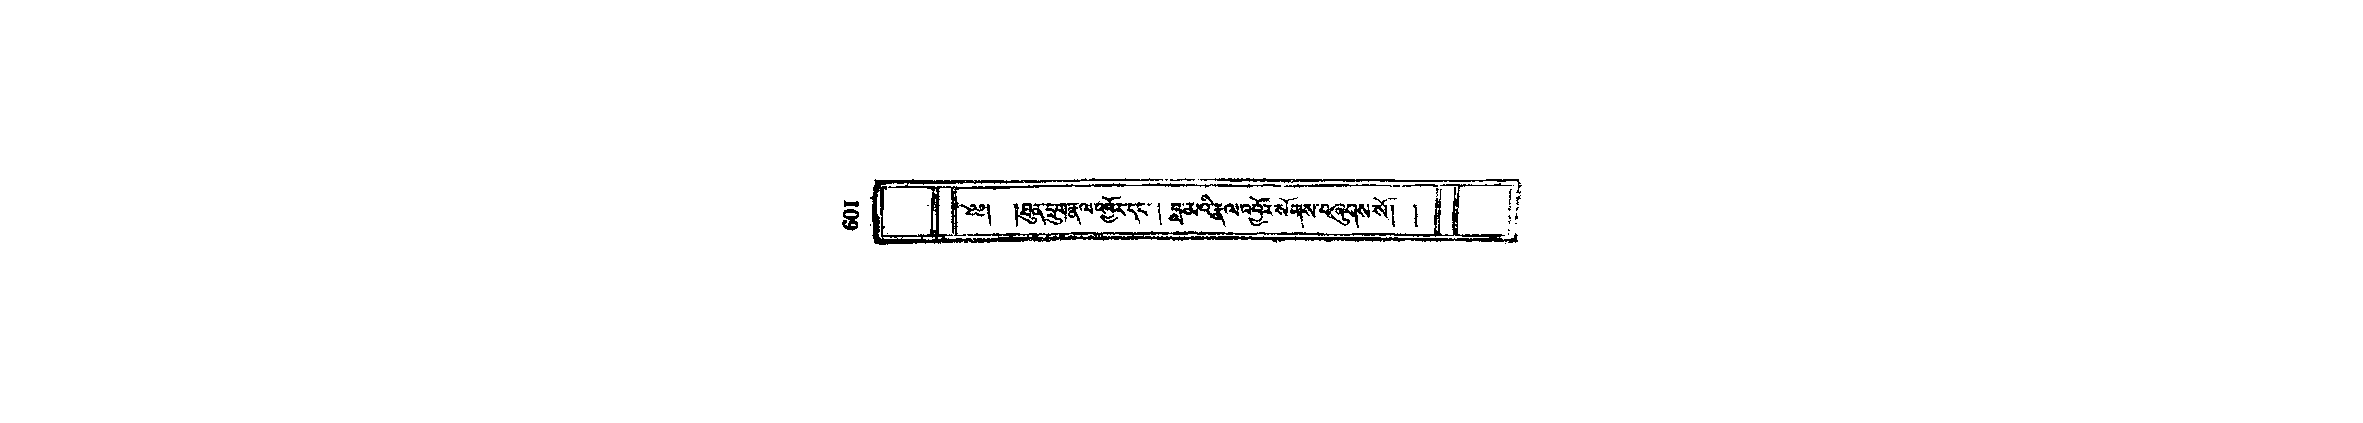༄༅། །ཐུན་དྲུག་རྣལ་འབྱོར་དང་། བླ་མའི་རྣལ་འབྱོར་སོགས་བཞུགས་སོ། །